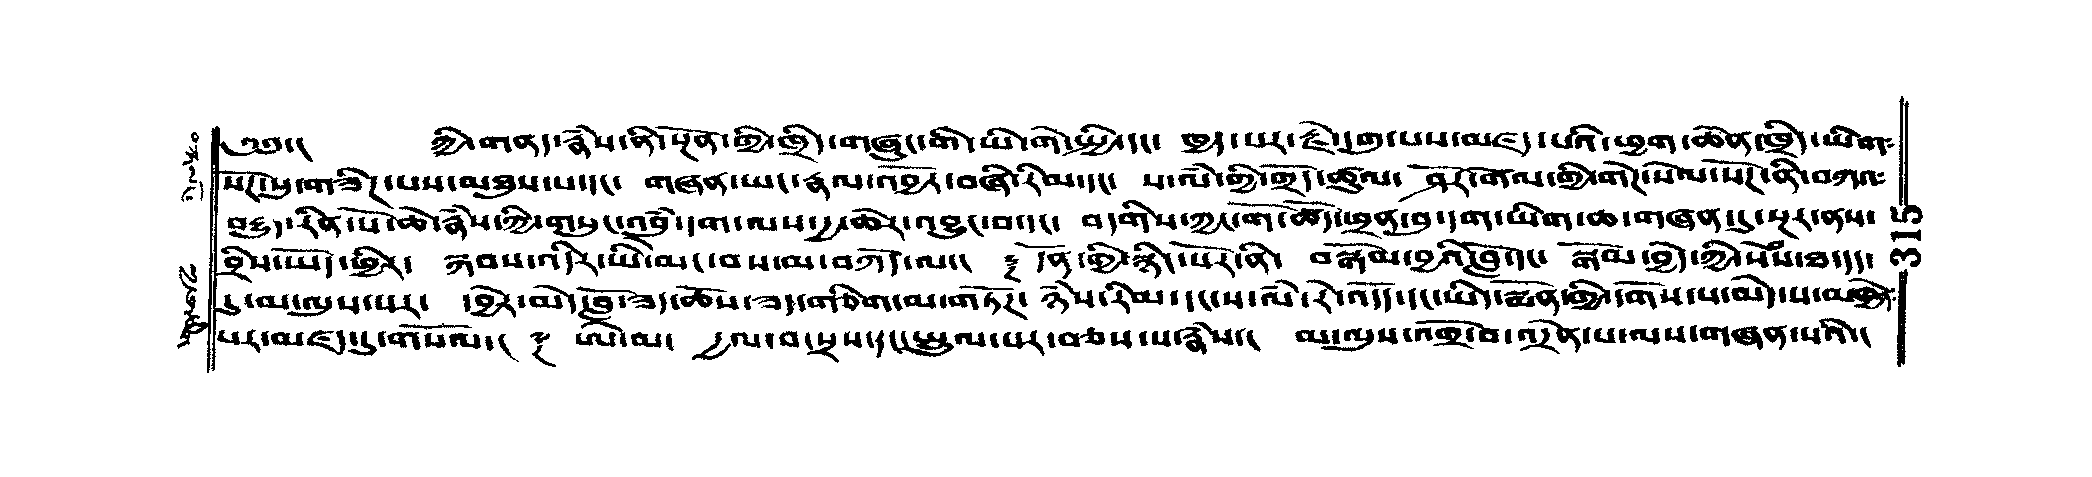ཀྱི་གནད་རྣམས་ནི་སྔོན་གྱི་ཁྲིད་གཞུང་གི་ཡི་གེ་སྤྱི་དང་། ཁྱད་པར་རྗེ་དགུ་པས་མཛད་པའི་ཕྱག་ཆེན་ཁྲིད་ཡིག་
སོགས་སུ་གཟིགས་པས་མཐུས་པ་དང་། གཞན་ཡང་རྣལ་འབྱོར་བཞི་རིམ་དང་། ས་ལམ་གྱི་བགྲོད་ཚུལ། ཤོར་གོལ་གྱི་གེགས་སེལ་སོགས་ནི་བཀའ་
བརྒྱུད་རིན་པོ་ཆེ་རྣམས་ཀྱི་གསུང་འབུམ་དག་ལས་རྒྱ་ཆེར་འབྱུང་བ་དང་། བདག་གིས་ཀྱང་གོ་ཚོད་ཕྲན་བུ་དག་ཡིག་ཆ་གཞན་དུ་སྔར་ནས་
བྲིས་ཡོད་ཕྱིར། སྐབས་འདིར་ཡི་གེ་མང་བས་མ་བཀོད་ལ། དོན་གྱི་སྙིང་པོར་ནི། བསྒོམ་བྱའི་བློ་དང་། སྒོམ་བྱེད་ཀྱི་སེམས་ཐ་དད་
དུ་མ་ལུས་པར། དབྱེར་མེད་བློ་ཟད་ཆོས་ཟད་གཅིག་མ་གཏོགས། ཉམས་རིམ་དང་ས་ལམ་རེ་འདོད་དང་ཡིད་སྨོན་གྱི་དགོས་པ་མེད་པ་མཁྱེན་
པར་མཛད་དུ་གསོལ།། ༈ ཨེ་མ། རྒྱལ་བ་སྲས་དང་སྤྲུལ་པར་བཅས་པ་རྣམས། །མ་ལུས་འགྲོ་བ་འདྲེན་པ་ལས་གཞན་པའི།